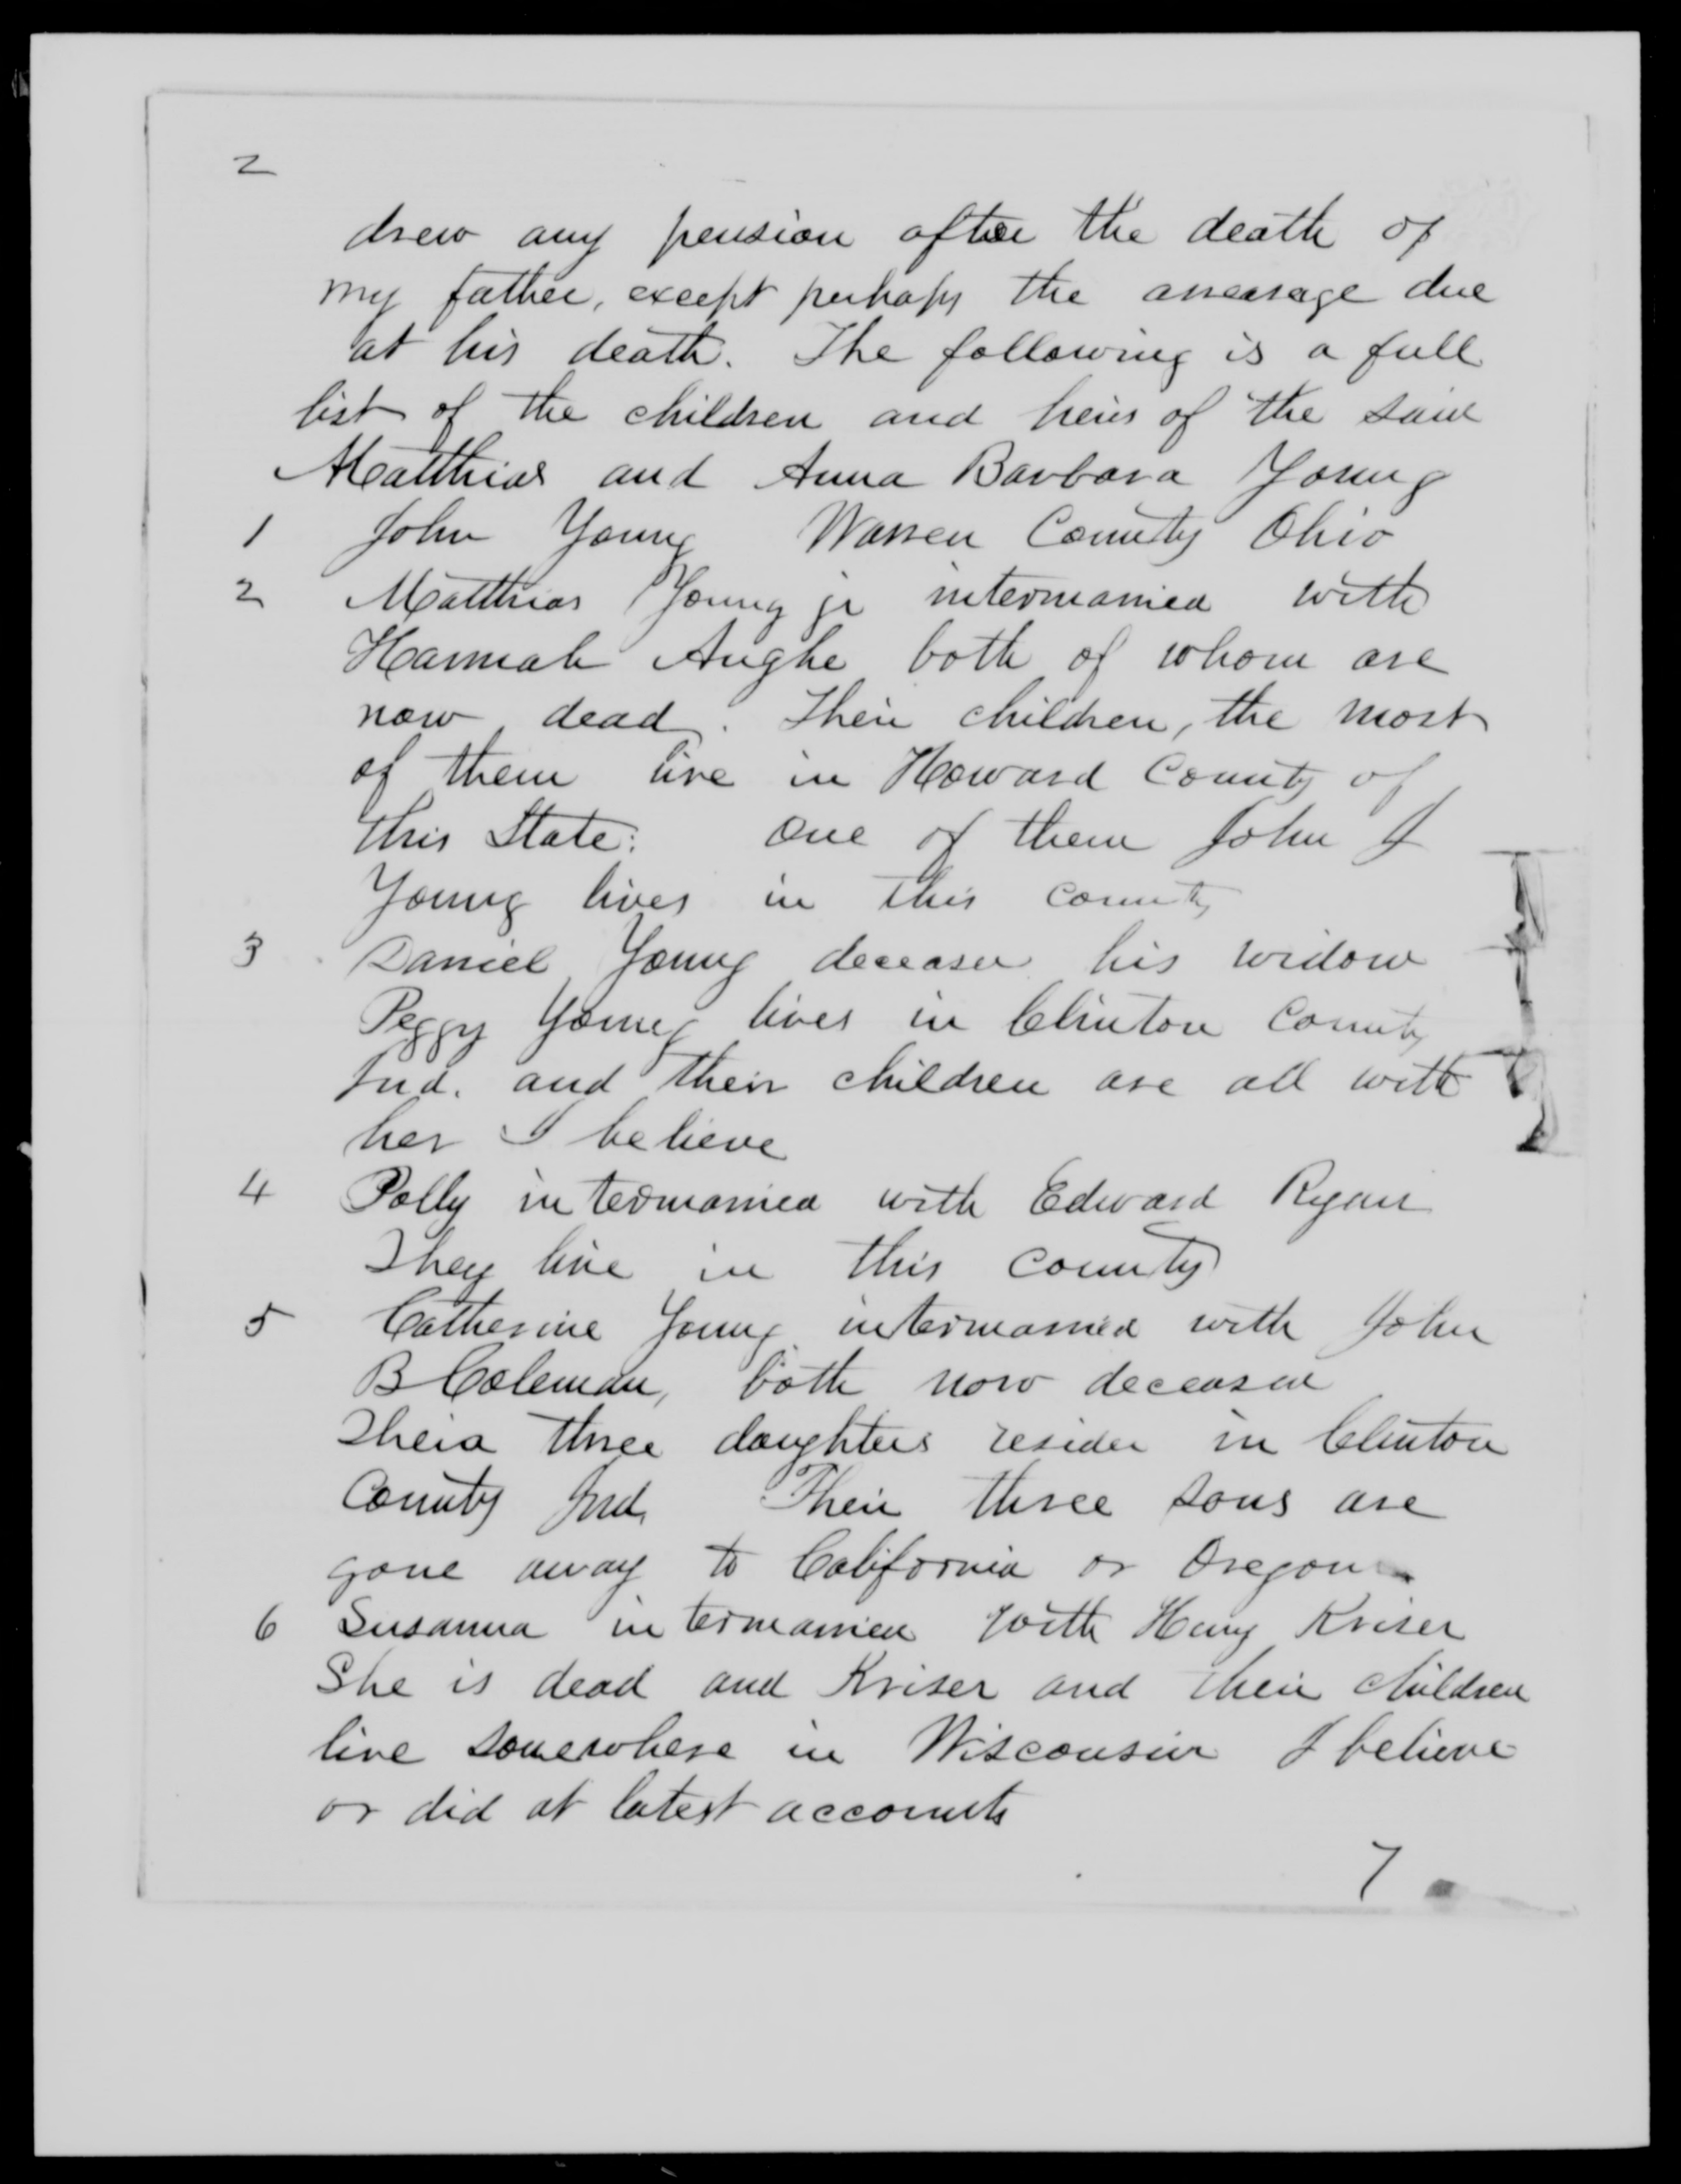2
drew any pension after the death of
my father, except perhaps the arrearage due
at his death. The following is a full
list of the children and heirs of the said
Matthias and Anna Barbara Young.

1 John Young Warren County Ohio
2 Matthias Young Jr intermarried with
Hannah Hughes both of whom are
now dead. Their children, the most
of them live in Howard County of
this State: one of them John F
Young lives in this County.
3 Daniel Young deceased his widow
Peggy Young lives in Clinton County
Ind and their children are all with
her I believe.
4 Polly intermarried with Edward Ryan
They live in this County.
5 Catherine Young intermarried with John
B Coleman, both now deceased. Their three daughters resided in Clinton County Ind. Their three sons are gone away to California or Oregon.
6 Susanna intermarried with Henry Kriser.
She is dead and Kriser and their children
live somewhere in Wisconsin, I believe
or did at latest accounts.
7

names: Anna Barbara Young, Heny Kriser, Polly, Catherine Young, Matthias Young, John Young, Peggy Young, John B Coleman, Susanna, Hannah Aughe, Edward Ryan, John J Young, Daniel Young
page: 107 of 123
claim: rejected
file: R. 11,949, Matthias Young, Md.